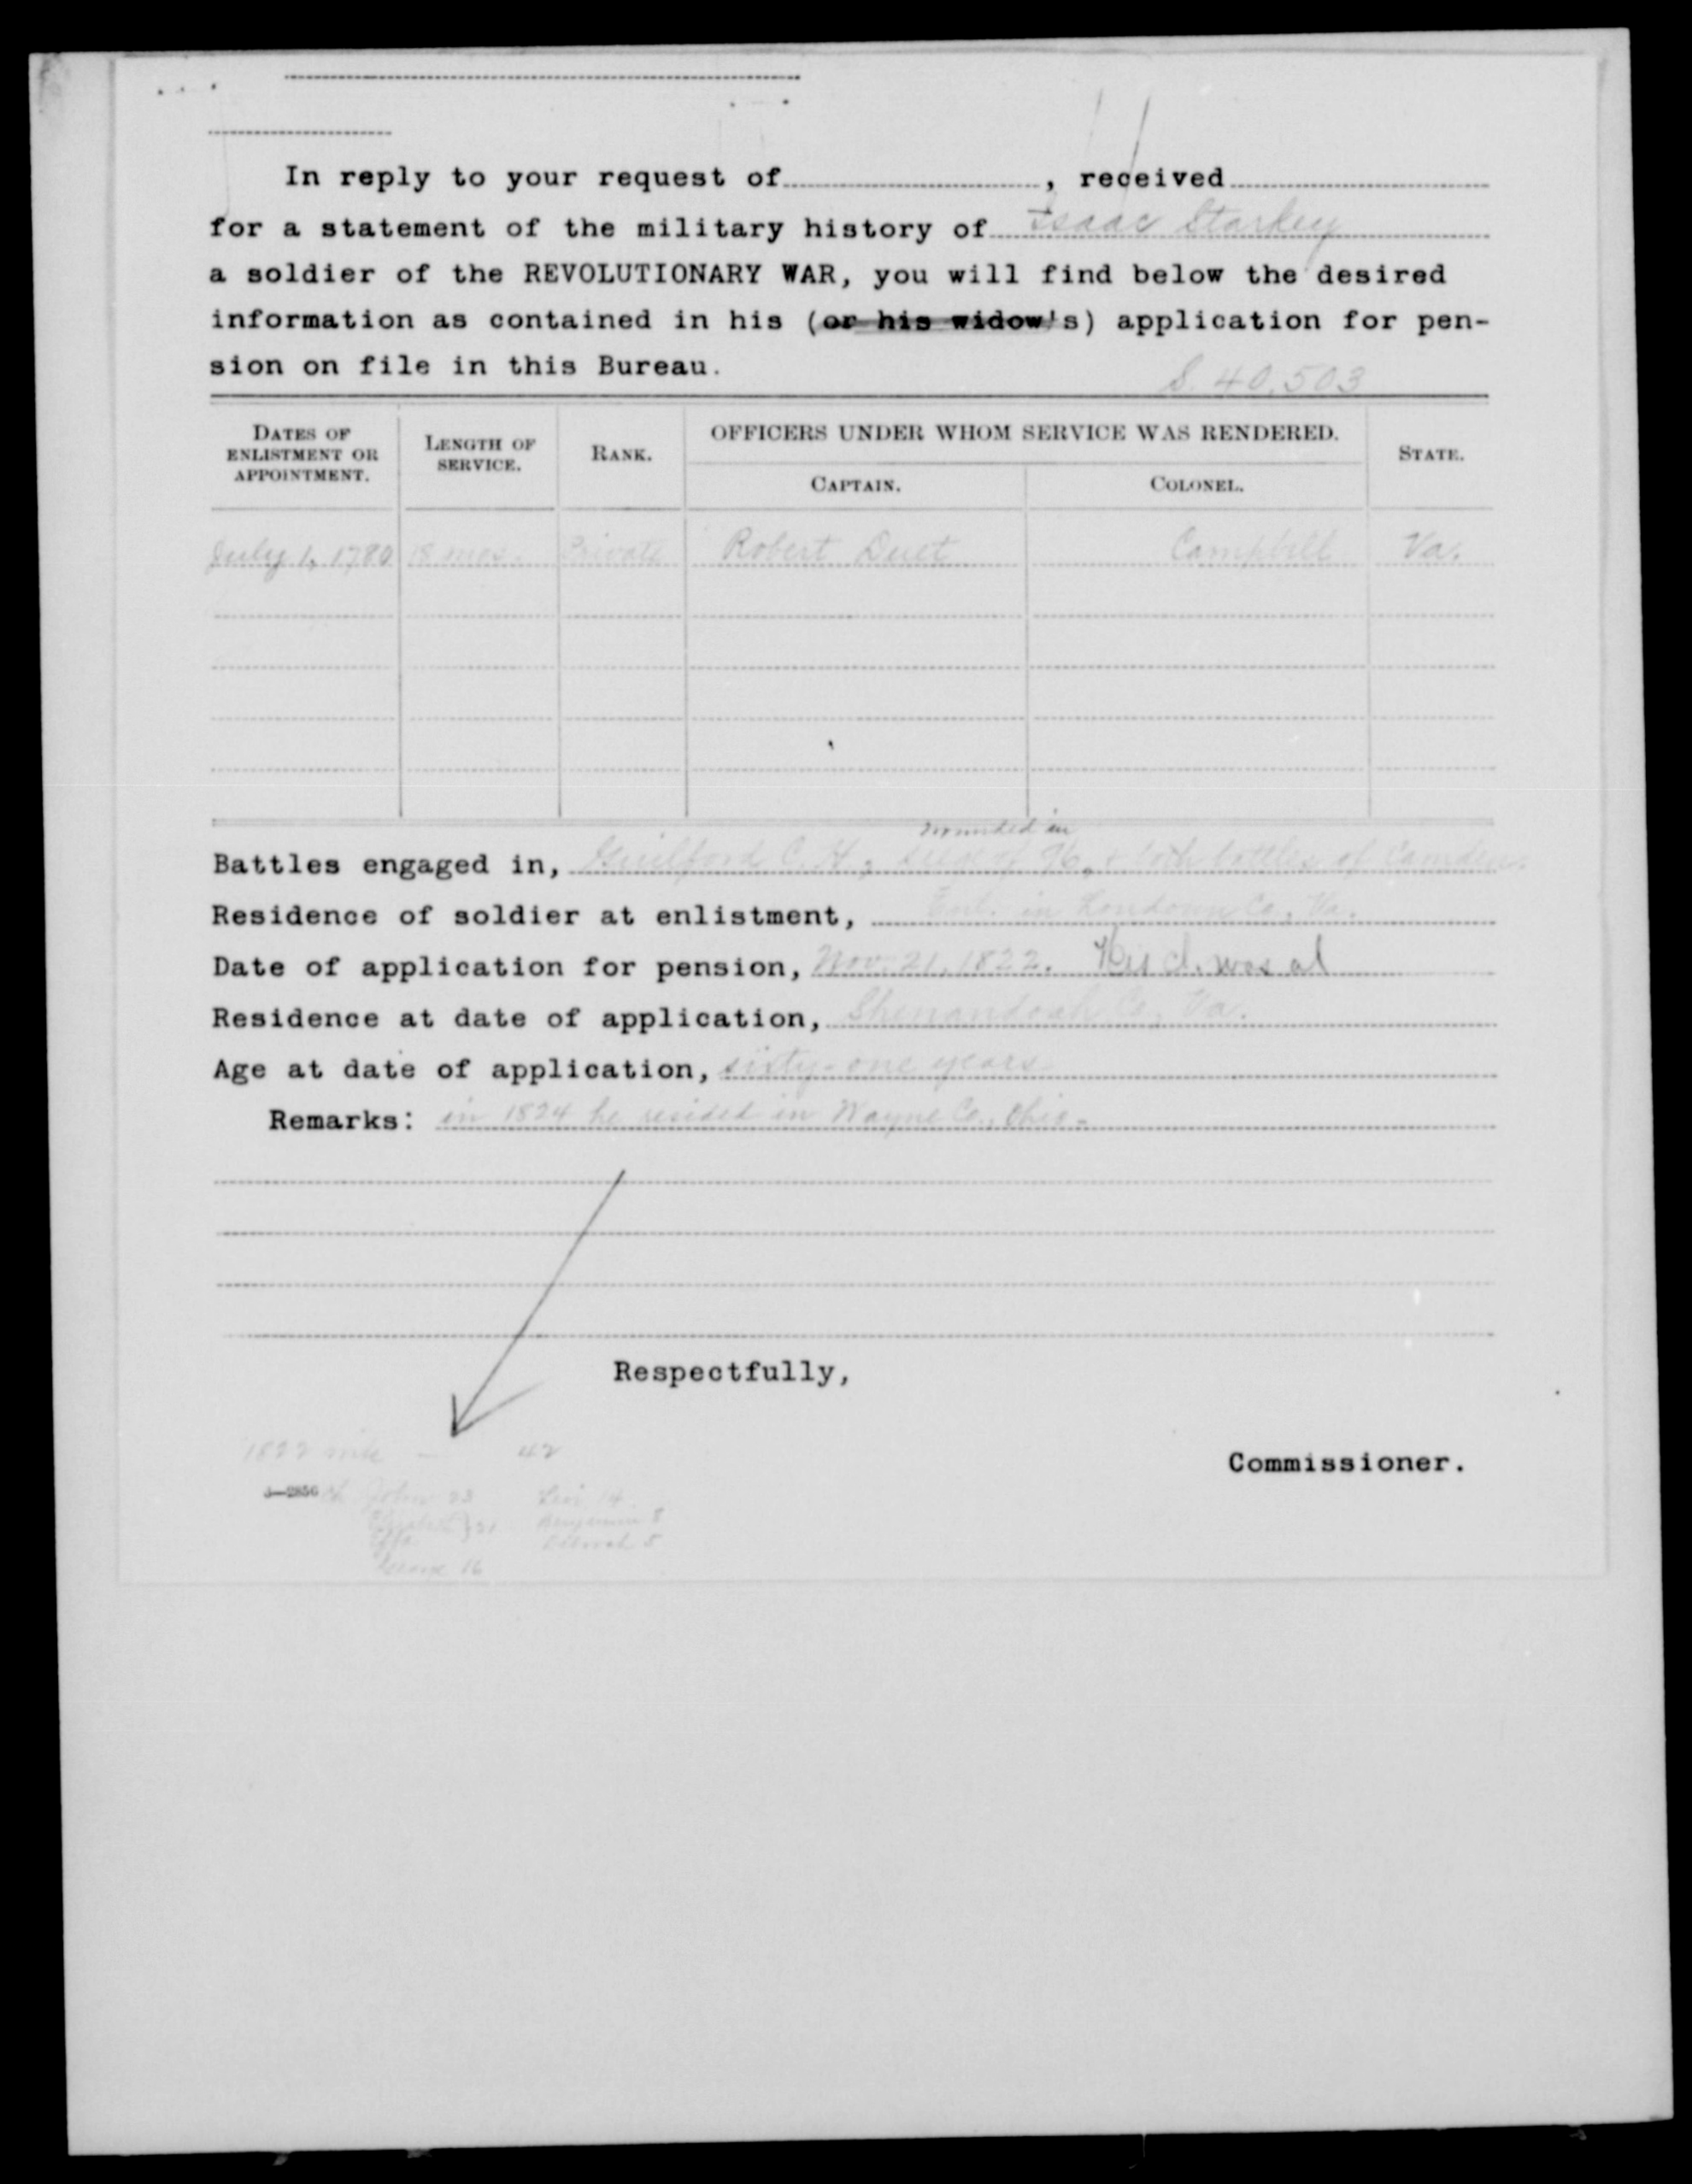In reply to your request of..., received... for a statement of the military history of Isaac Starkey, a soldier of the Revolutionary War, you will find below the desired information as contained in his application for pension on file in this Bureau.
Battles engaged in: Guilford Court House, Etaw Springs, Camden.
Residence of soldier at time of enlistment......
Date of application for pension............
Residence at date of application..................
Age at date of application, eighty-one years.
Respectfully, Commissioner.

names: Isaac Starkey; Robert Duet; [BLANK] Campbell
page: 7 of 14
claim: survivor's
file: S 40503, for Isaac Starkey, Virginia